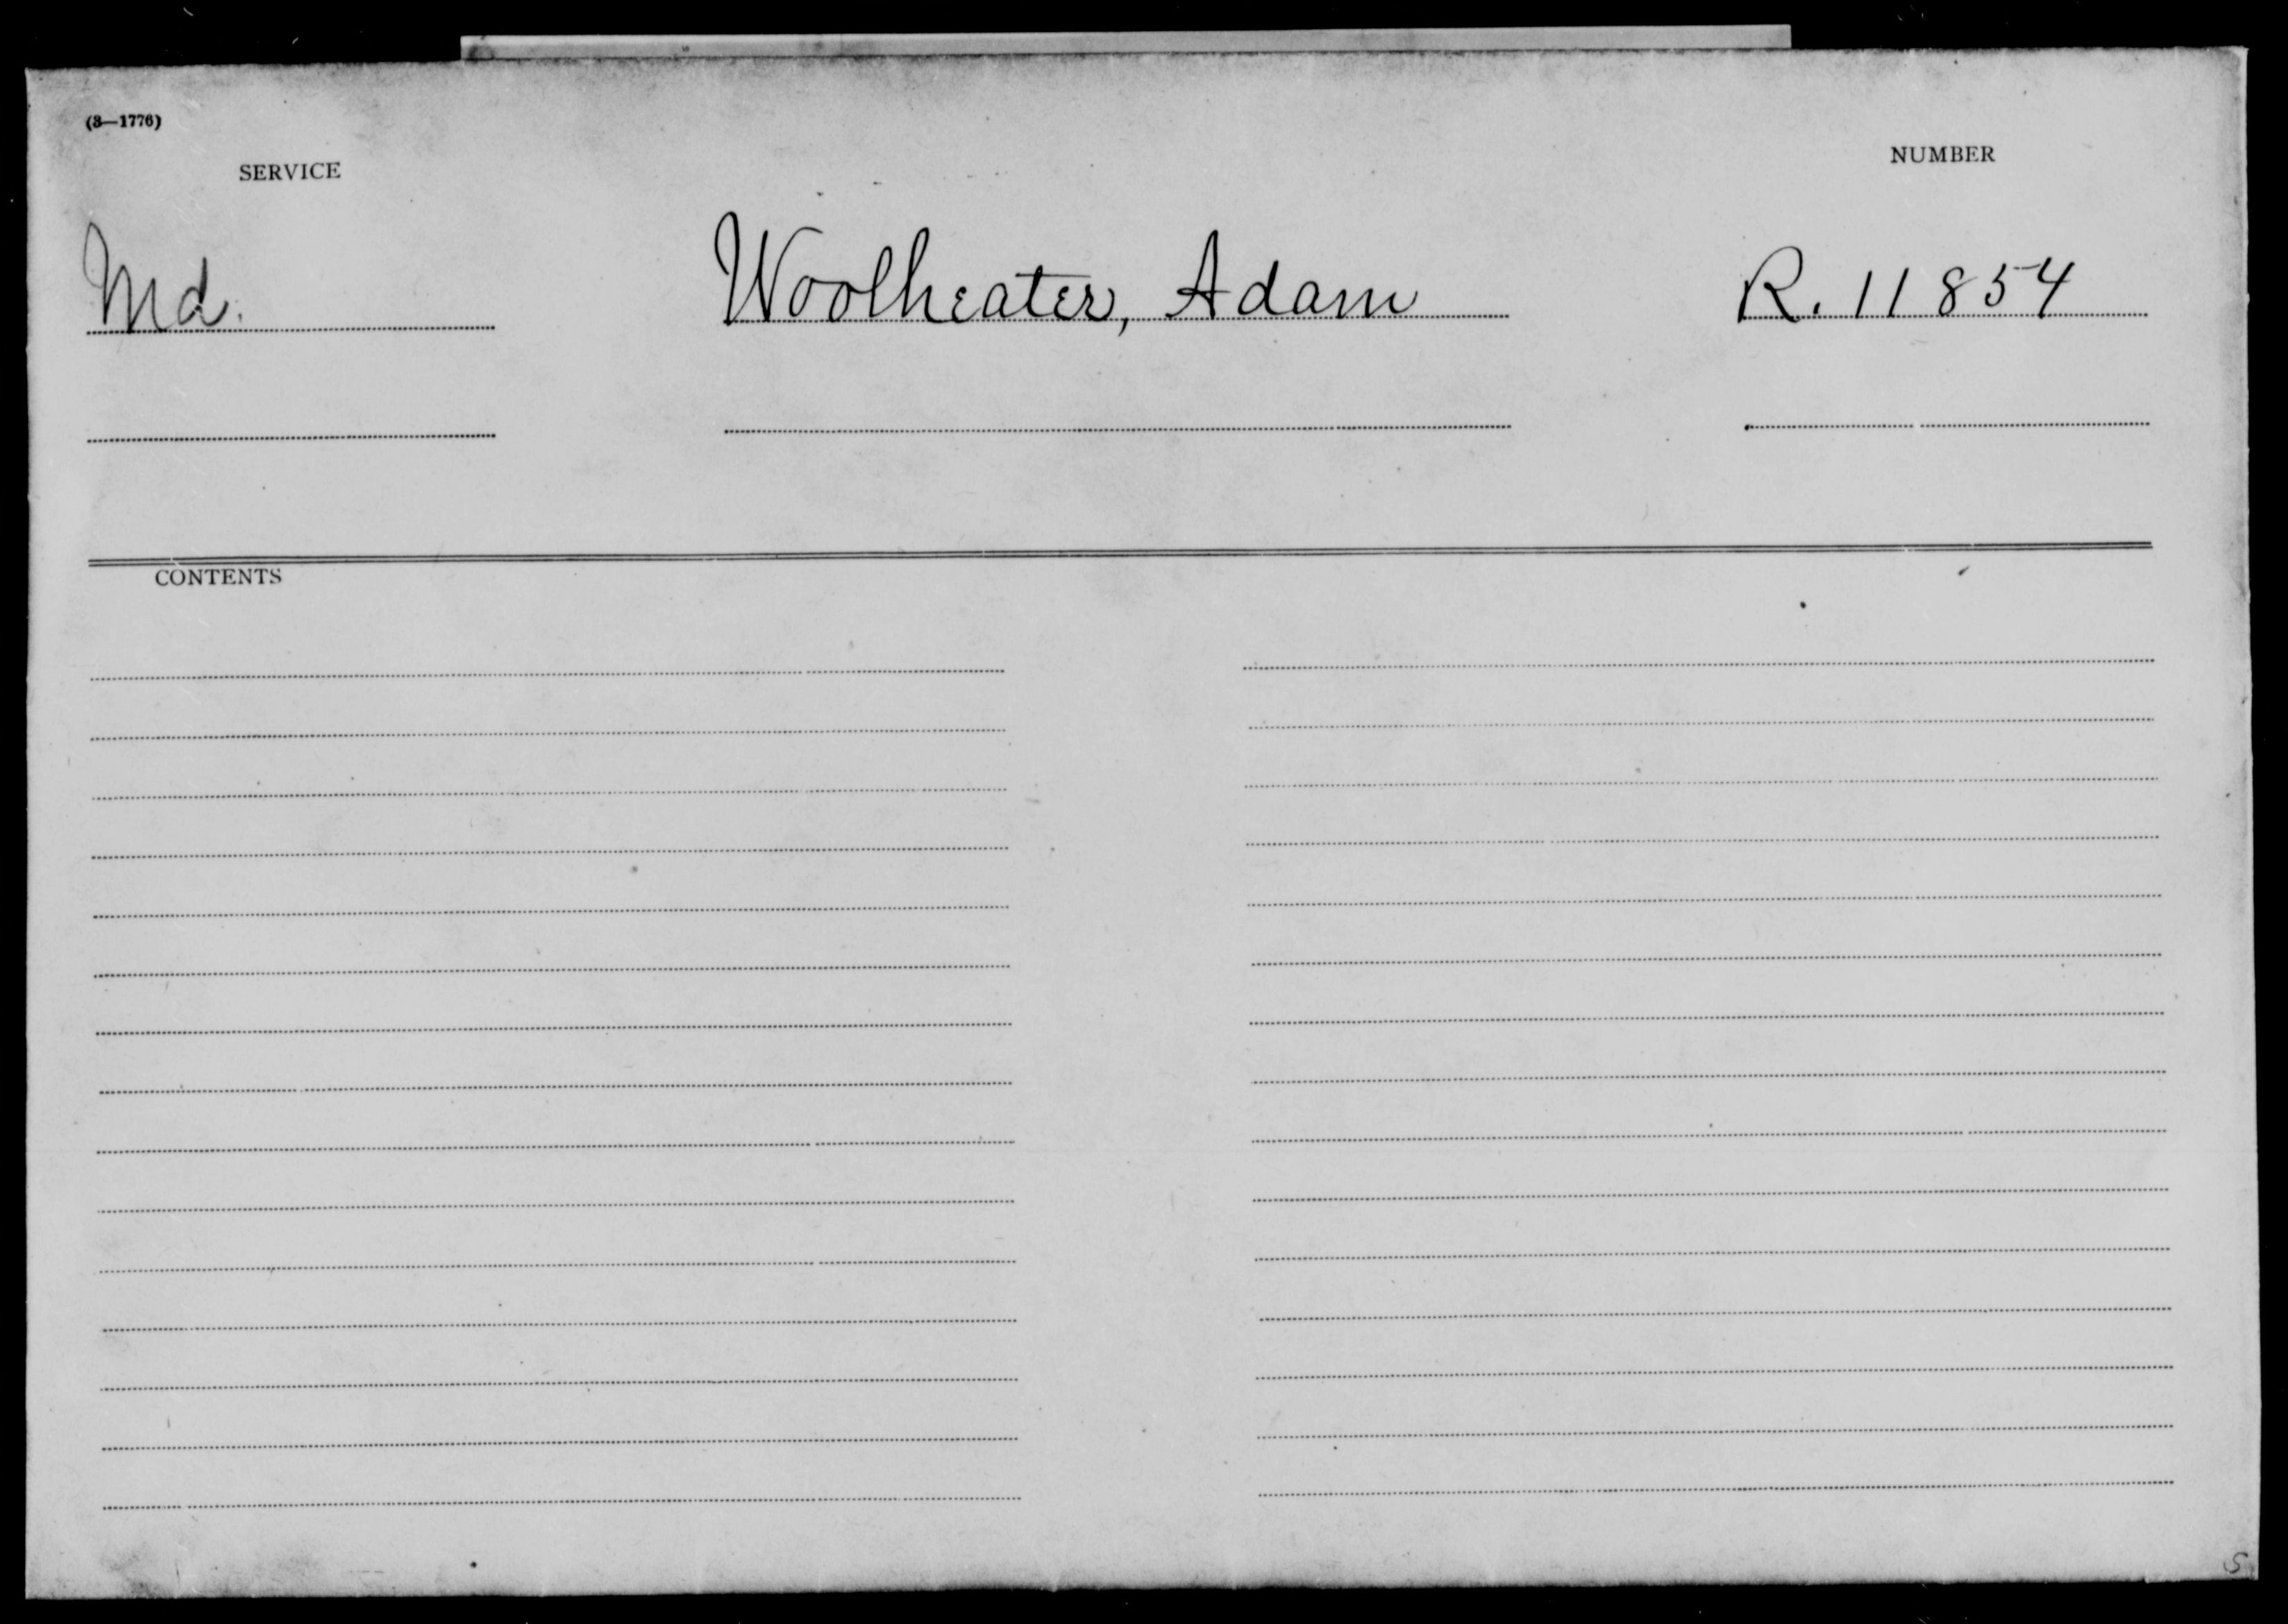(3 - 1776)
SERVICE
Md.

Woolheater, Adam

NUMBER
R. 11854

CONTENTS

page: 1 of 18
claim: rejected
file: R. 11854, Adam Woolheater, Md.